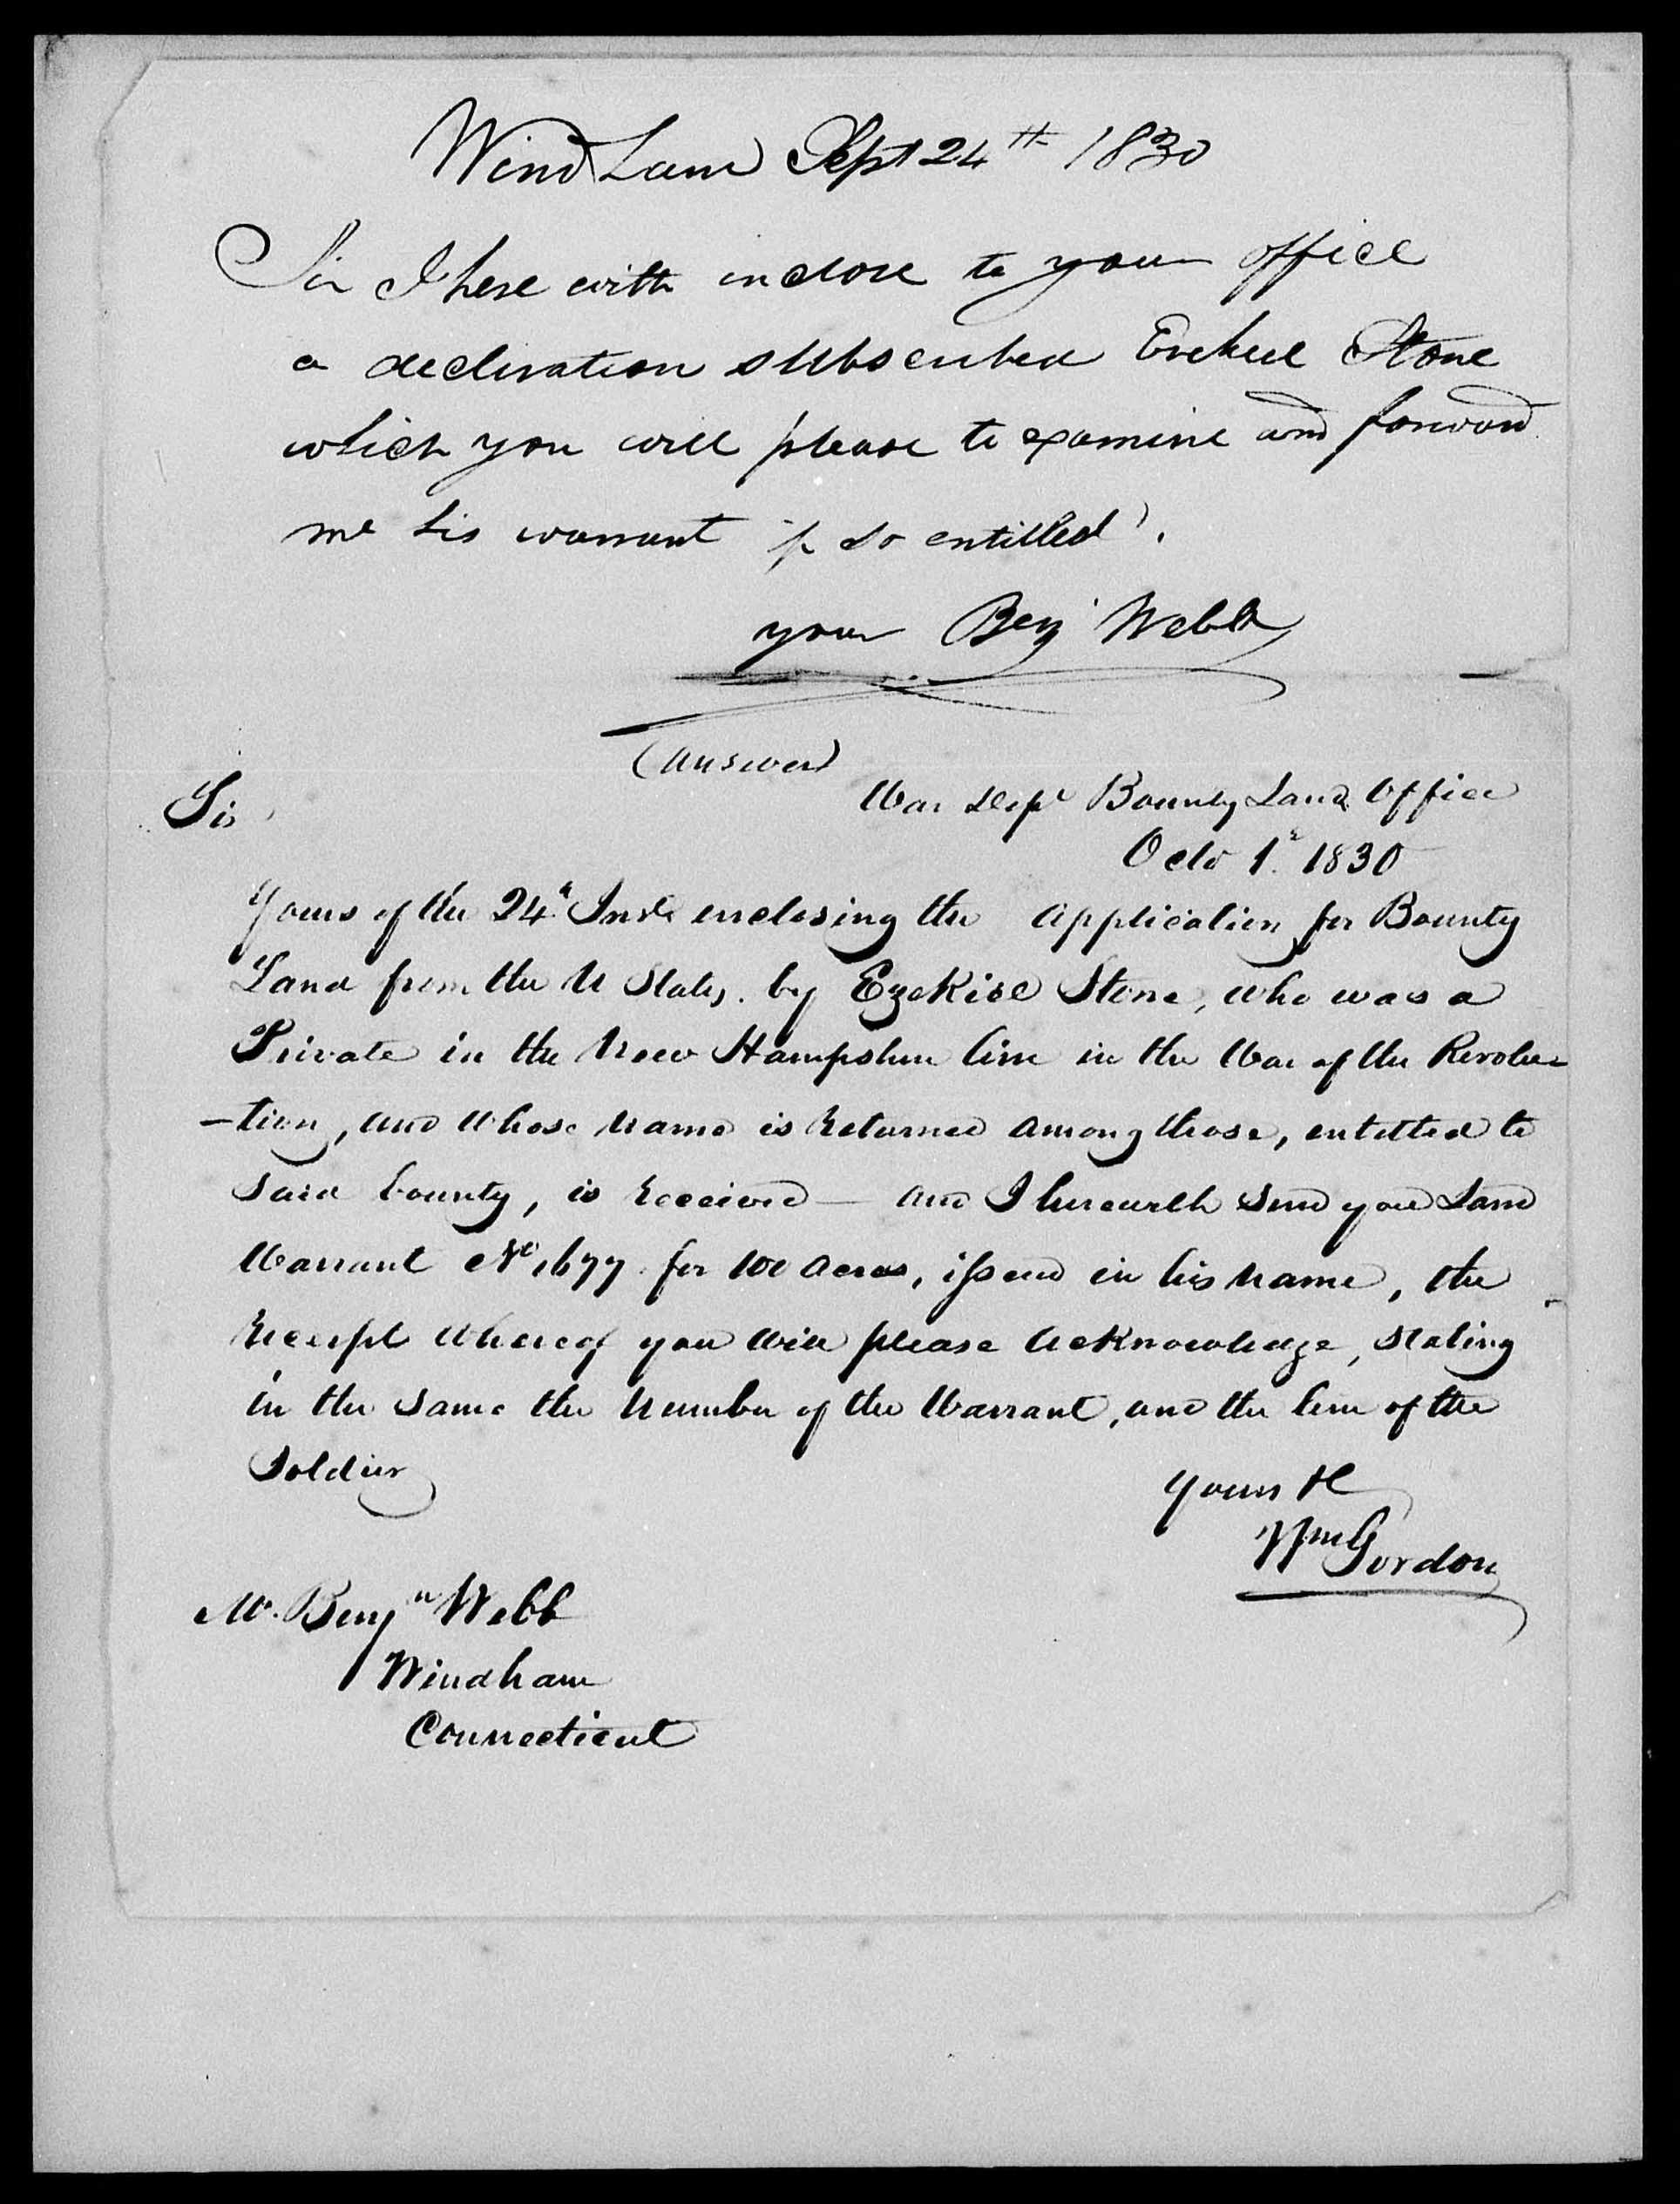Windham  Sept 24th 1830

Sir  I herewith inclose to your office a declaration subscribed Ezekiel Stone which you will please to examine and forward me his warrant if so entitled.
Your Benj Webb

(answer)
War Dept Bounty Land Office
Oct'r 1" 1830

Sir

Yours of the 24" Inst't enclosing the application for Bounty Land from the State by Ezekiel Stone, who was a Private in the New Hampshire line in the War of the Revolution, and whose name is returned among those, entitled to said bounty, is received---and I herewith send you Land Warrant No. 677 for 100 acres, ifsued in his name, the receipt whereof you will please acknowledge, stating in the same the number of the Warrant, and the line of the Soldier

Yours H
Wm. Gordon

Mr Benj'n Webb
Windham
Connecticut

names: Ezekiel Stone; Wm Gordon; Benjn Webb; Benj Webb; Ezekiel Stone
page: 36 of 38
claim: survivor's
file: S. 43181, for Ezekiel Stone, New Hampshire